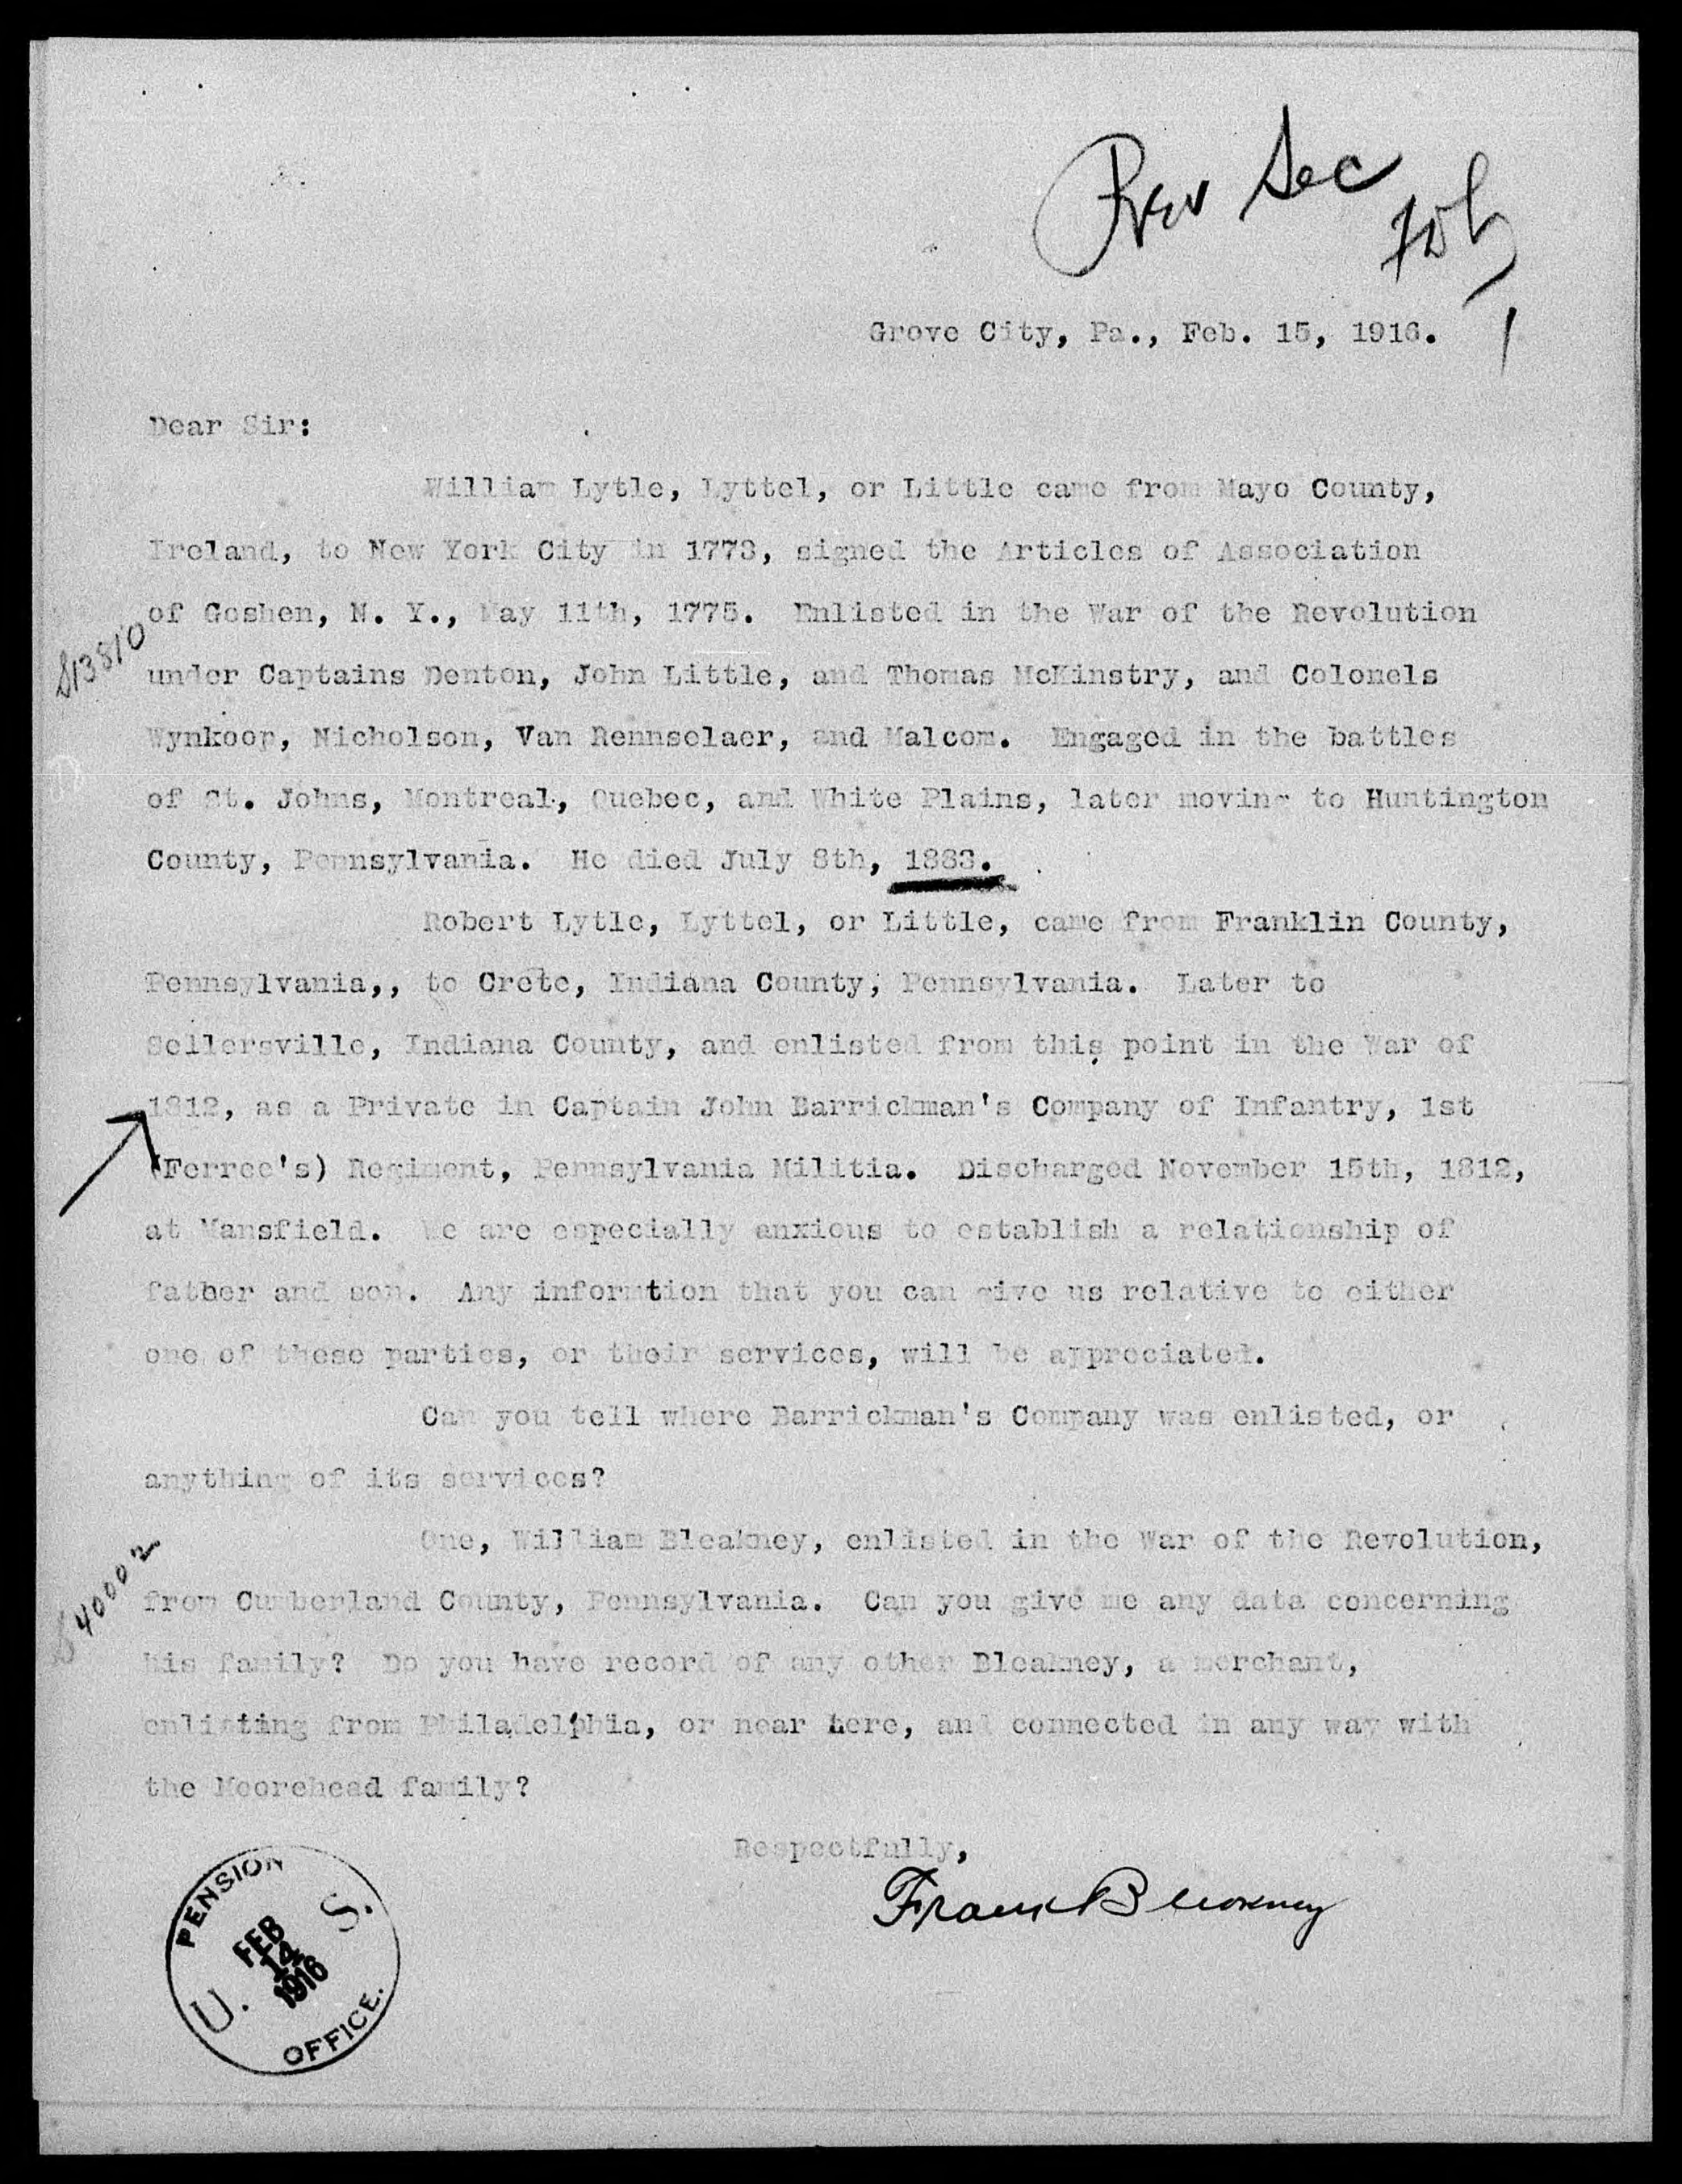Rev Sec Foh

Grove City, Pa., Feb. 15, 1916.

Dear Sir:
William Lytle, Lyttel, or Little came from Mayo County, Ireland, to New York City in 1773, signed the Articles of Association of Goshen, N. Y., May 11th, 1775. Enlisted in the War of the Revolution (S13810) under Captains Denton, John Little, and Thomas McKinstry, and Colonels Wynkoop, Nicholson, Van Rensselaer, and Malcom. Engaged in the battles of St. Johns, Montreal, Quebec, and White Plains, later moving to Huntington
County, Pennsylvania. He died July 8th, 1883.
Robert Lytle, Lyttel, or Little, came from Franklin County, Pennsylvania, to Crete, Indiana County, Pennsylvania. Later to Sellersville, Indiana County, and enlisted from this point in the War of 1812, as a Private in Captain John Barrickman's Company of Infantry, 1st
(Ferree's) Regiment, Pennsylvania Militia. Discharged November 15th, 1812,
at Mansfield. We are especially anxious to establish a relationship of father and son. Any information that you can give us relative to either one of these parties, or their services, will be appreciated.
Can you tell where Barrickman's Company was enlisted, or anything of its services?
One, William Bleakney, enlisted in the War of the Revolution, (S40002) from Cumberland County, Pennsylvania. Can you give me any data concerning his family? Do you have record of any other Bleakney, a merchant,
enlisting from Philadelphia, or near here, and connected in any way with the Moorehead family?
Respectfully,
Frank Bleakney

[circular stamp:  U.S. PENSION OFFICE 
FEB 14 1916]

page: 16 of 24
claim: survivor's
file: S. 13810, for William Lytle, New York